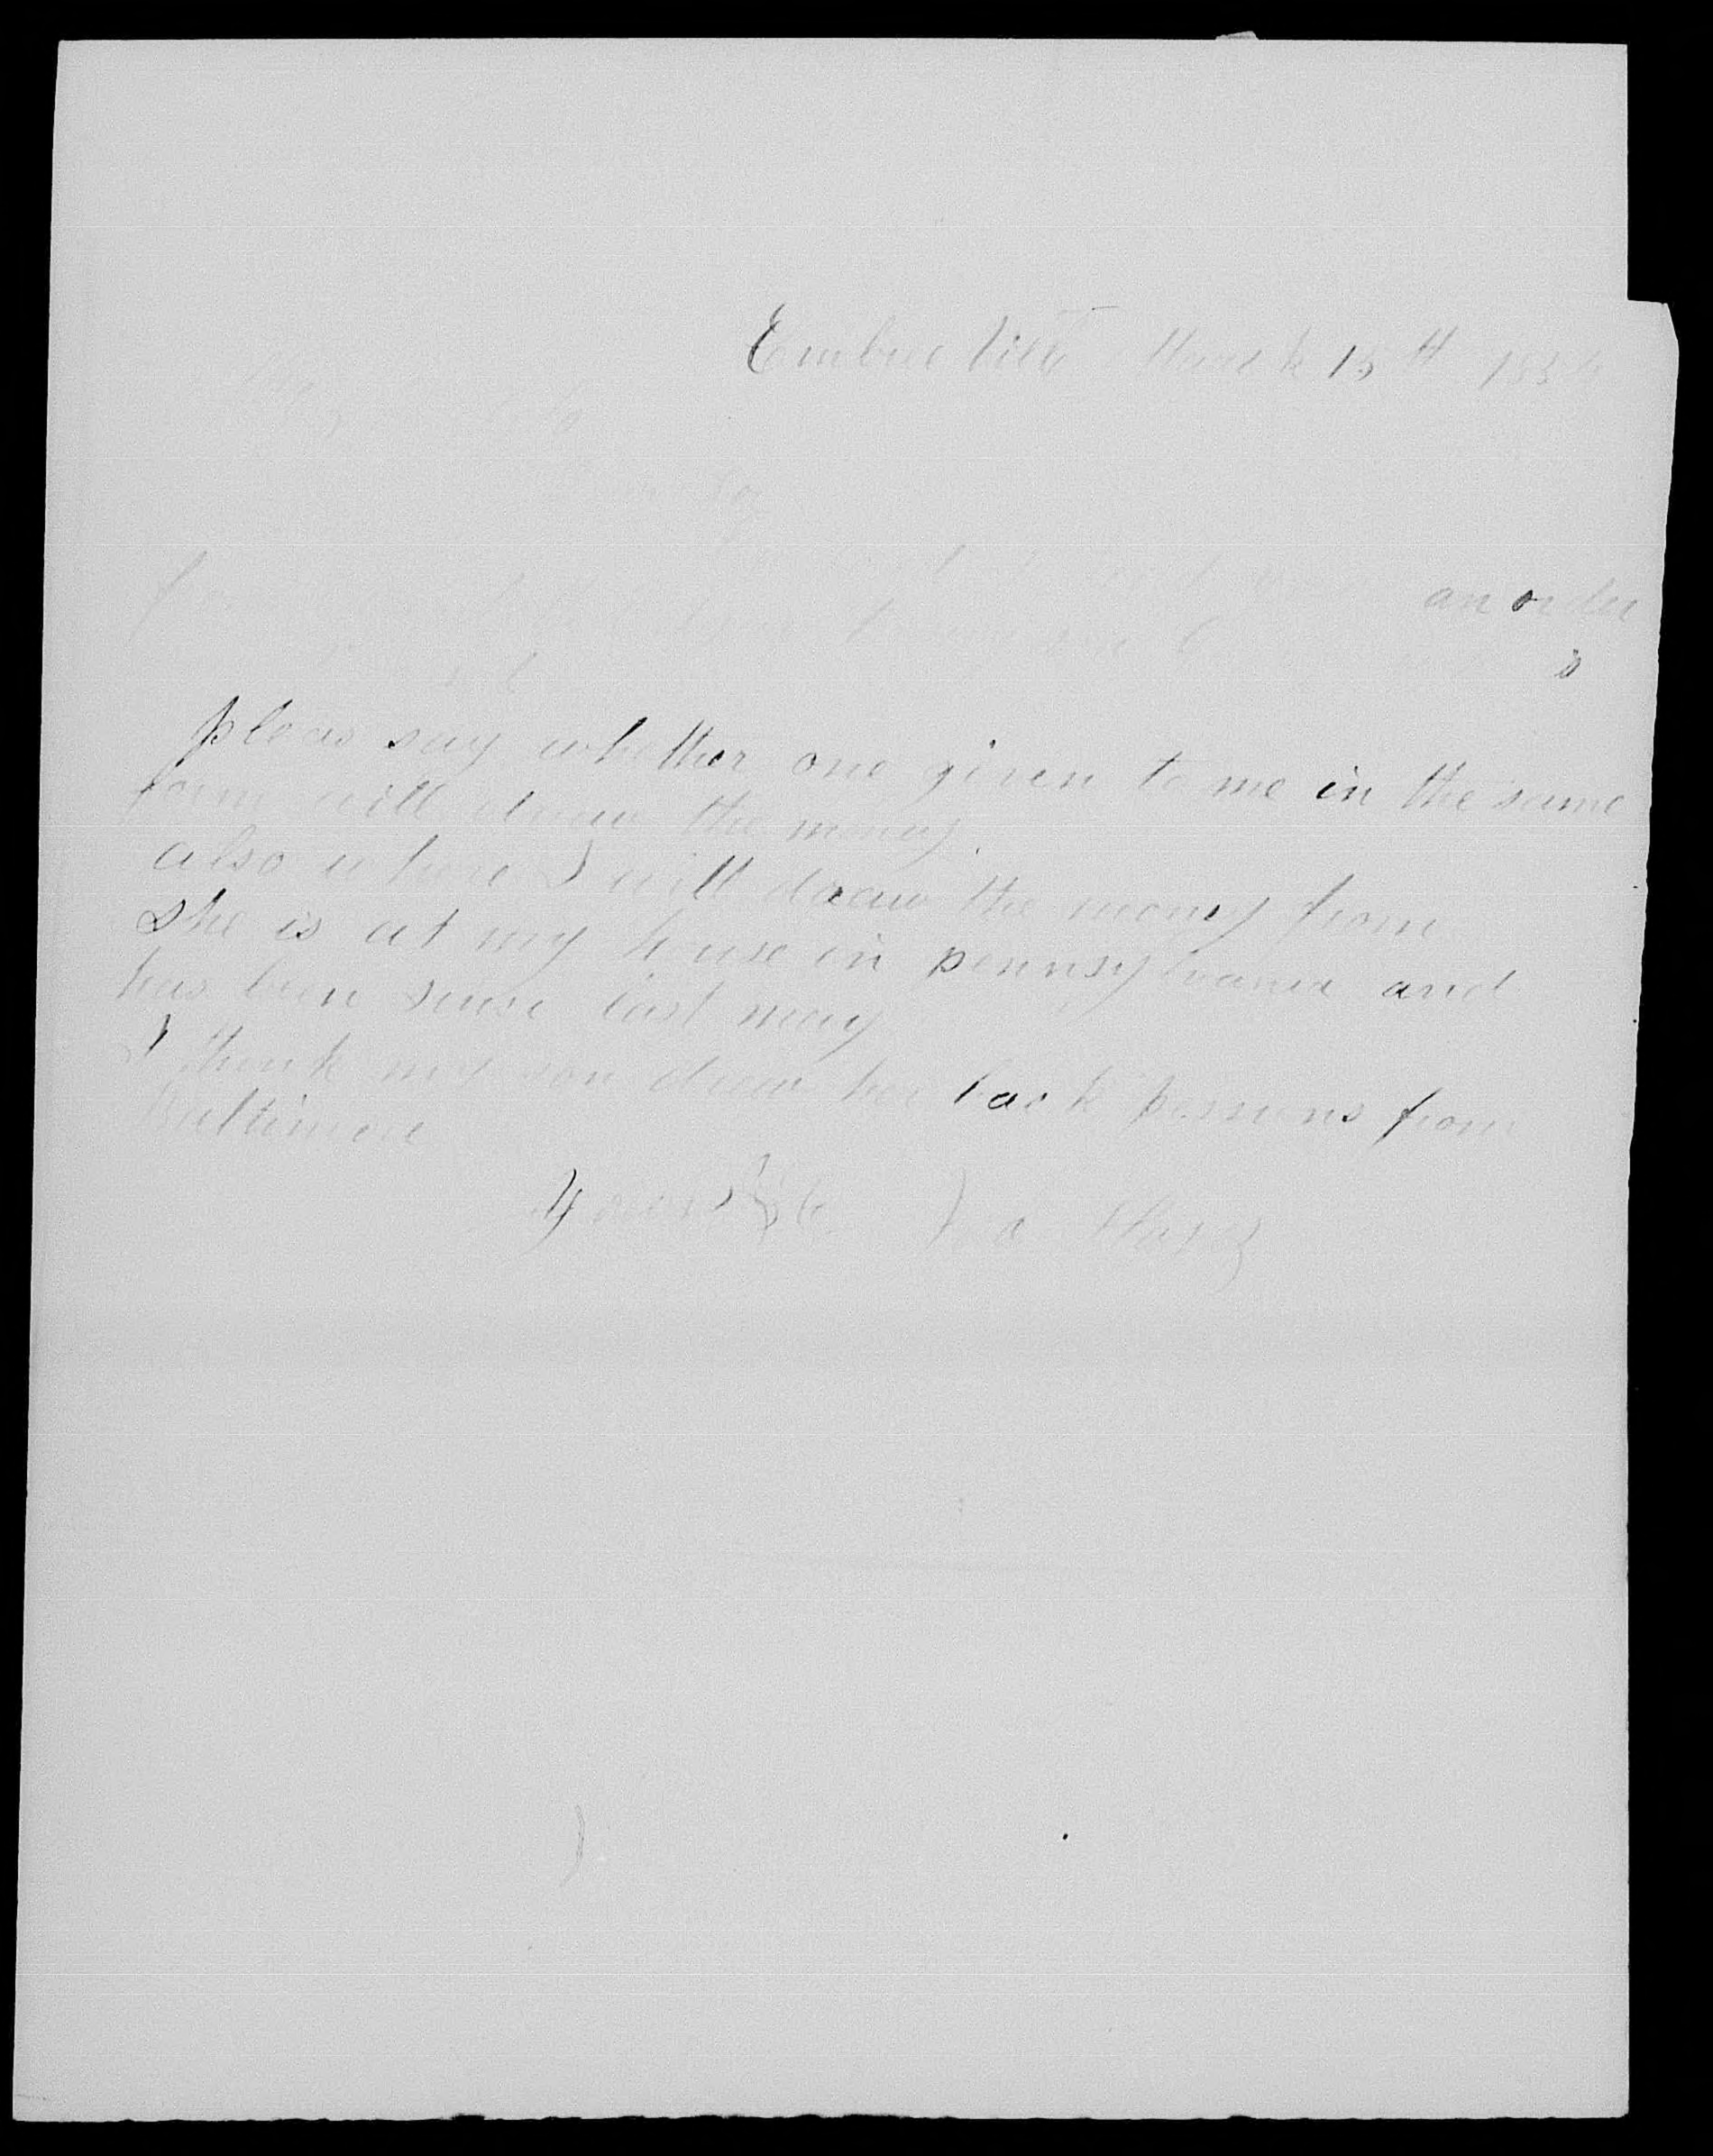Embreeville, March 15th 1836

Two Lines too light and illegible

...please say whether one given to me in the same form will draw the money.

Also where I will draw the money from. She is at my house in Pennsylvania and has been since last May.

I think my son drew her back pension from Baltimore.

Your obedient Servant 
illegible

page: 54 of 74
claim: widow's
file: W. 9422, James Edgar, Penn.